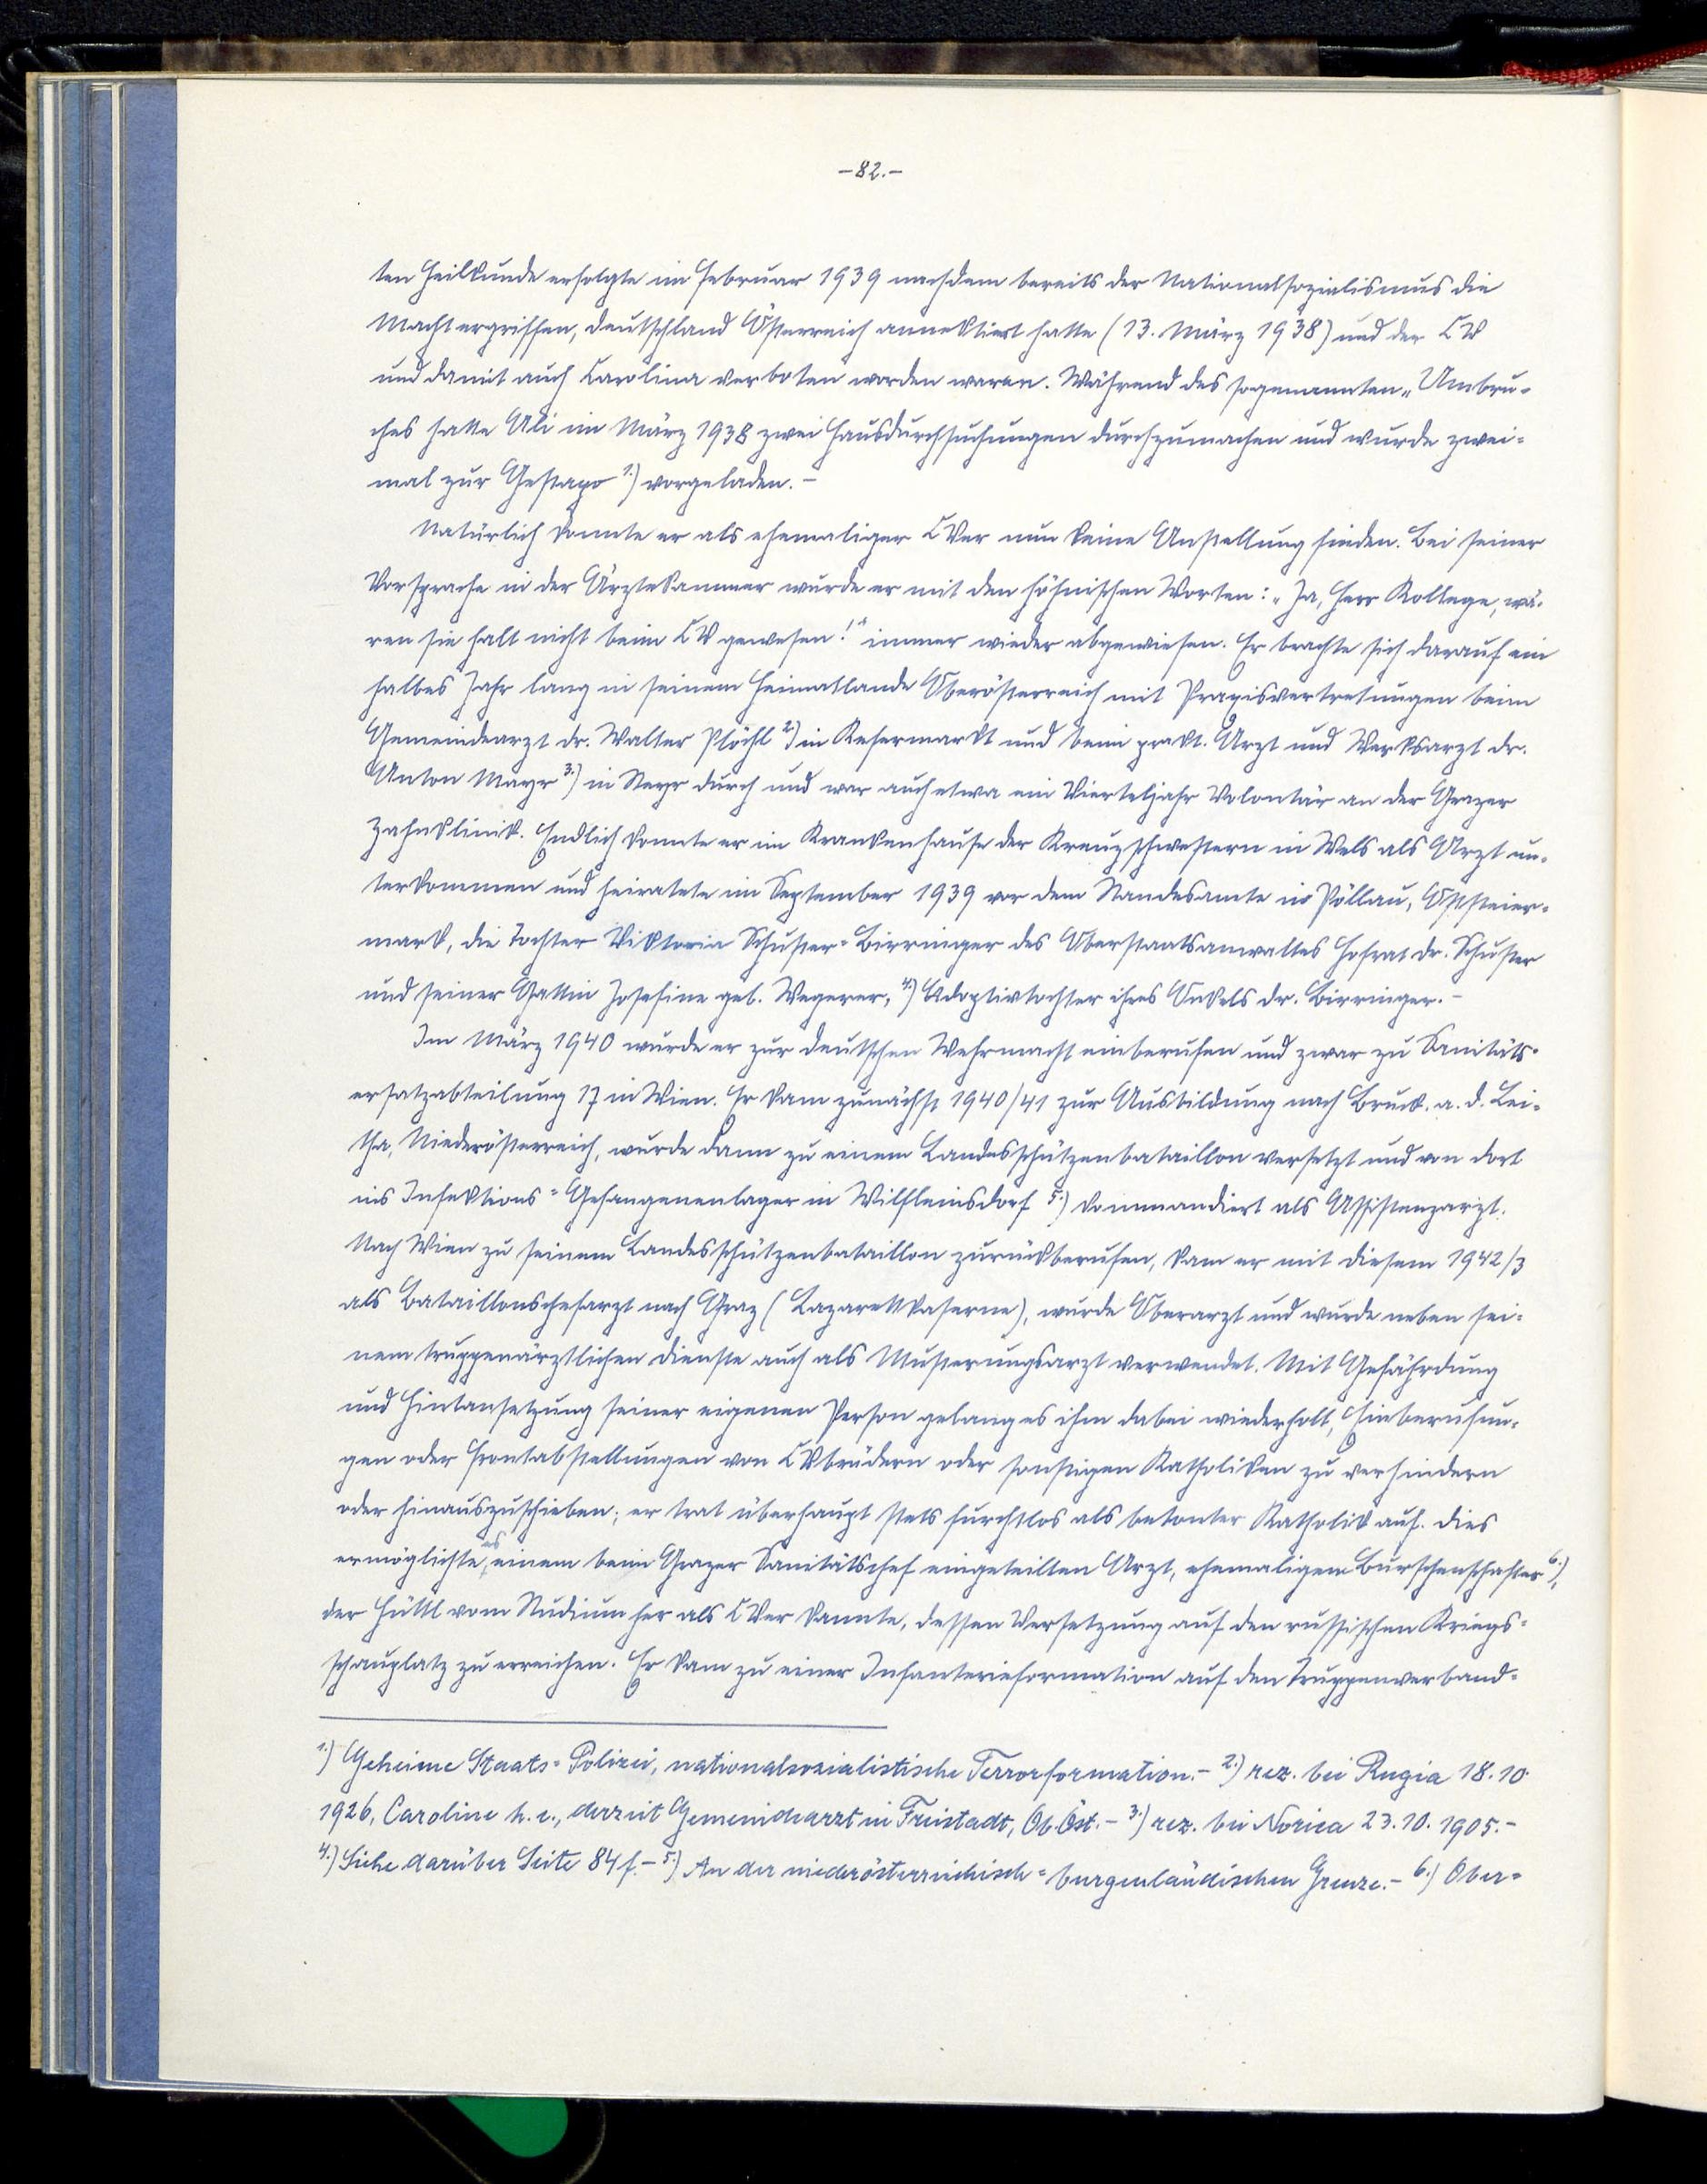82
ten Heilkunde erfolgte im Februar 1939 nachdem bereits der Nationalsozialismus die
Macht ergriffen, Deutschland Österreich annektiert hatte (13. März 1938) und der CV
und damit auch Carolina verboten worden waren. Während des sogenannten „Umbru-
ches hatte Ali im März 1938 zwei Hausdurchsuchungen durchzumachen und wurde zwei-
mal zur Gestapo 1) vorgeladen.
Natürlich konnte er als ehemaliger CVer nun keine Anstellung finden. Bei seiner
Vorsprache in der Ärztekammer wurde er mit den höhnischen Worten: "Ja, Her Kollege, wä-
ren sie halt nicht beim CV gewesen!“ immer wieder abgewiesen. Er brachte sich darauf ein
halbes Jahr lang in seinem Heimatlande Oberösterreich mit Praxisvertretungen beim
Gemeindearzt Dr. Walter Plöchl 2) in Kasermarkt und beim prakt. Arzt und Werksarzt Dr.
Anton Mayr 3) in Steyr durch und war auch etwa ein Vierteljahr Volontär an der Grazer
Zahnklinik. Endlich konnte er im Krankenhause der Kreuzschwestern in Wels als Arzt un-
terkommen und heiratete im September 1939 vor dem Standesamte in Pöllau, Oststeier-
mark, die Tochter Viktoria Schuster- Birringer des Oberstaatsanwaltes Hofrat Dr. Schuster
und seiner Gattin Josehine geb. Wegerer 4) Adoptivtochter ihres Onkels Dr. Birringer.-
Im März 1940 wurde er zur deutschen Wehrmacht einberufen und zwar zu Sanitäts-
ersatzabteilung 17 im Wien. r kam zunächst 1940/41 zur Ausbildung nach Bruck a d. Lei-
tha, Niederösterreich, wurde dann zu einem Landesschützenbataillon versetzt und von dort
ins Infektions- Gefangenenlager in Wilfleinsdorf 5) kommandiert, als Assistenzarzt
nach Wien zu seinem Landesschützenbataillon zurückberufen, kam er mit diesem 1942/3
als Bataillonschefarzt nach Graz (Lazarettkaserne), wurde Oberarzt und wurde neben sei-
nem truppenärztlichen Dienste auch als Musterungsarzt verwendet. Mit Gefährdung
und Hintansetzung seiner eigenen Person gelang es ihm dabei wiederholt, Einberufun-
gen oder Frontabstellungen von CVbrüdern oder sonstigen Katholiken zu verhindern
oder hinauszuschieben; er trat überhaupt stets furchtlos als betonter Katholik auf. Dies
ermöglichte einem bei Grazer Sanitätschef eingeteilten Arzt, ehemaligenm Burschenschafter 6)
der Hüttl vom Studium her als CVer kannte, dessen Versetzung auf den russischen Kriegs-
schauplatz zu erreichen. Er kam zu einer Infanterieformation auf den Truppenverband-
1) Geheime Staats- Polizei, nationalsozialistische Terrorformation.-2) rez. bei Rugia 18.10
1926, Caroline h. c, derzeit Gemeindearzt in Freistadt, Ob.Öst. 3) rez. bei Norica 23.10.1905.-
4.) Siche darüber Seite 84f. 5) An der niederösterreichisch-burgenländischen Genze.- 6) Ober-